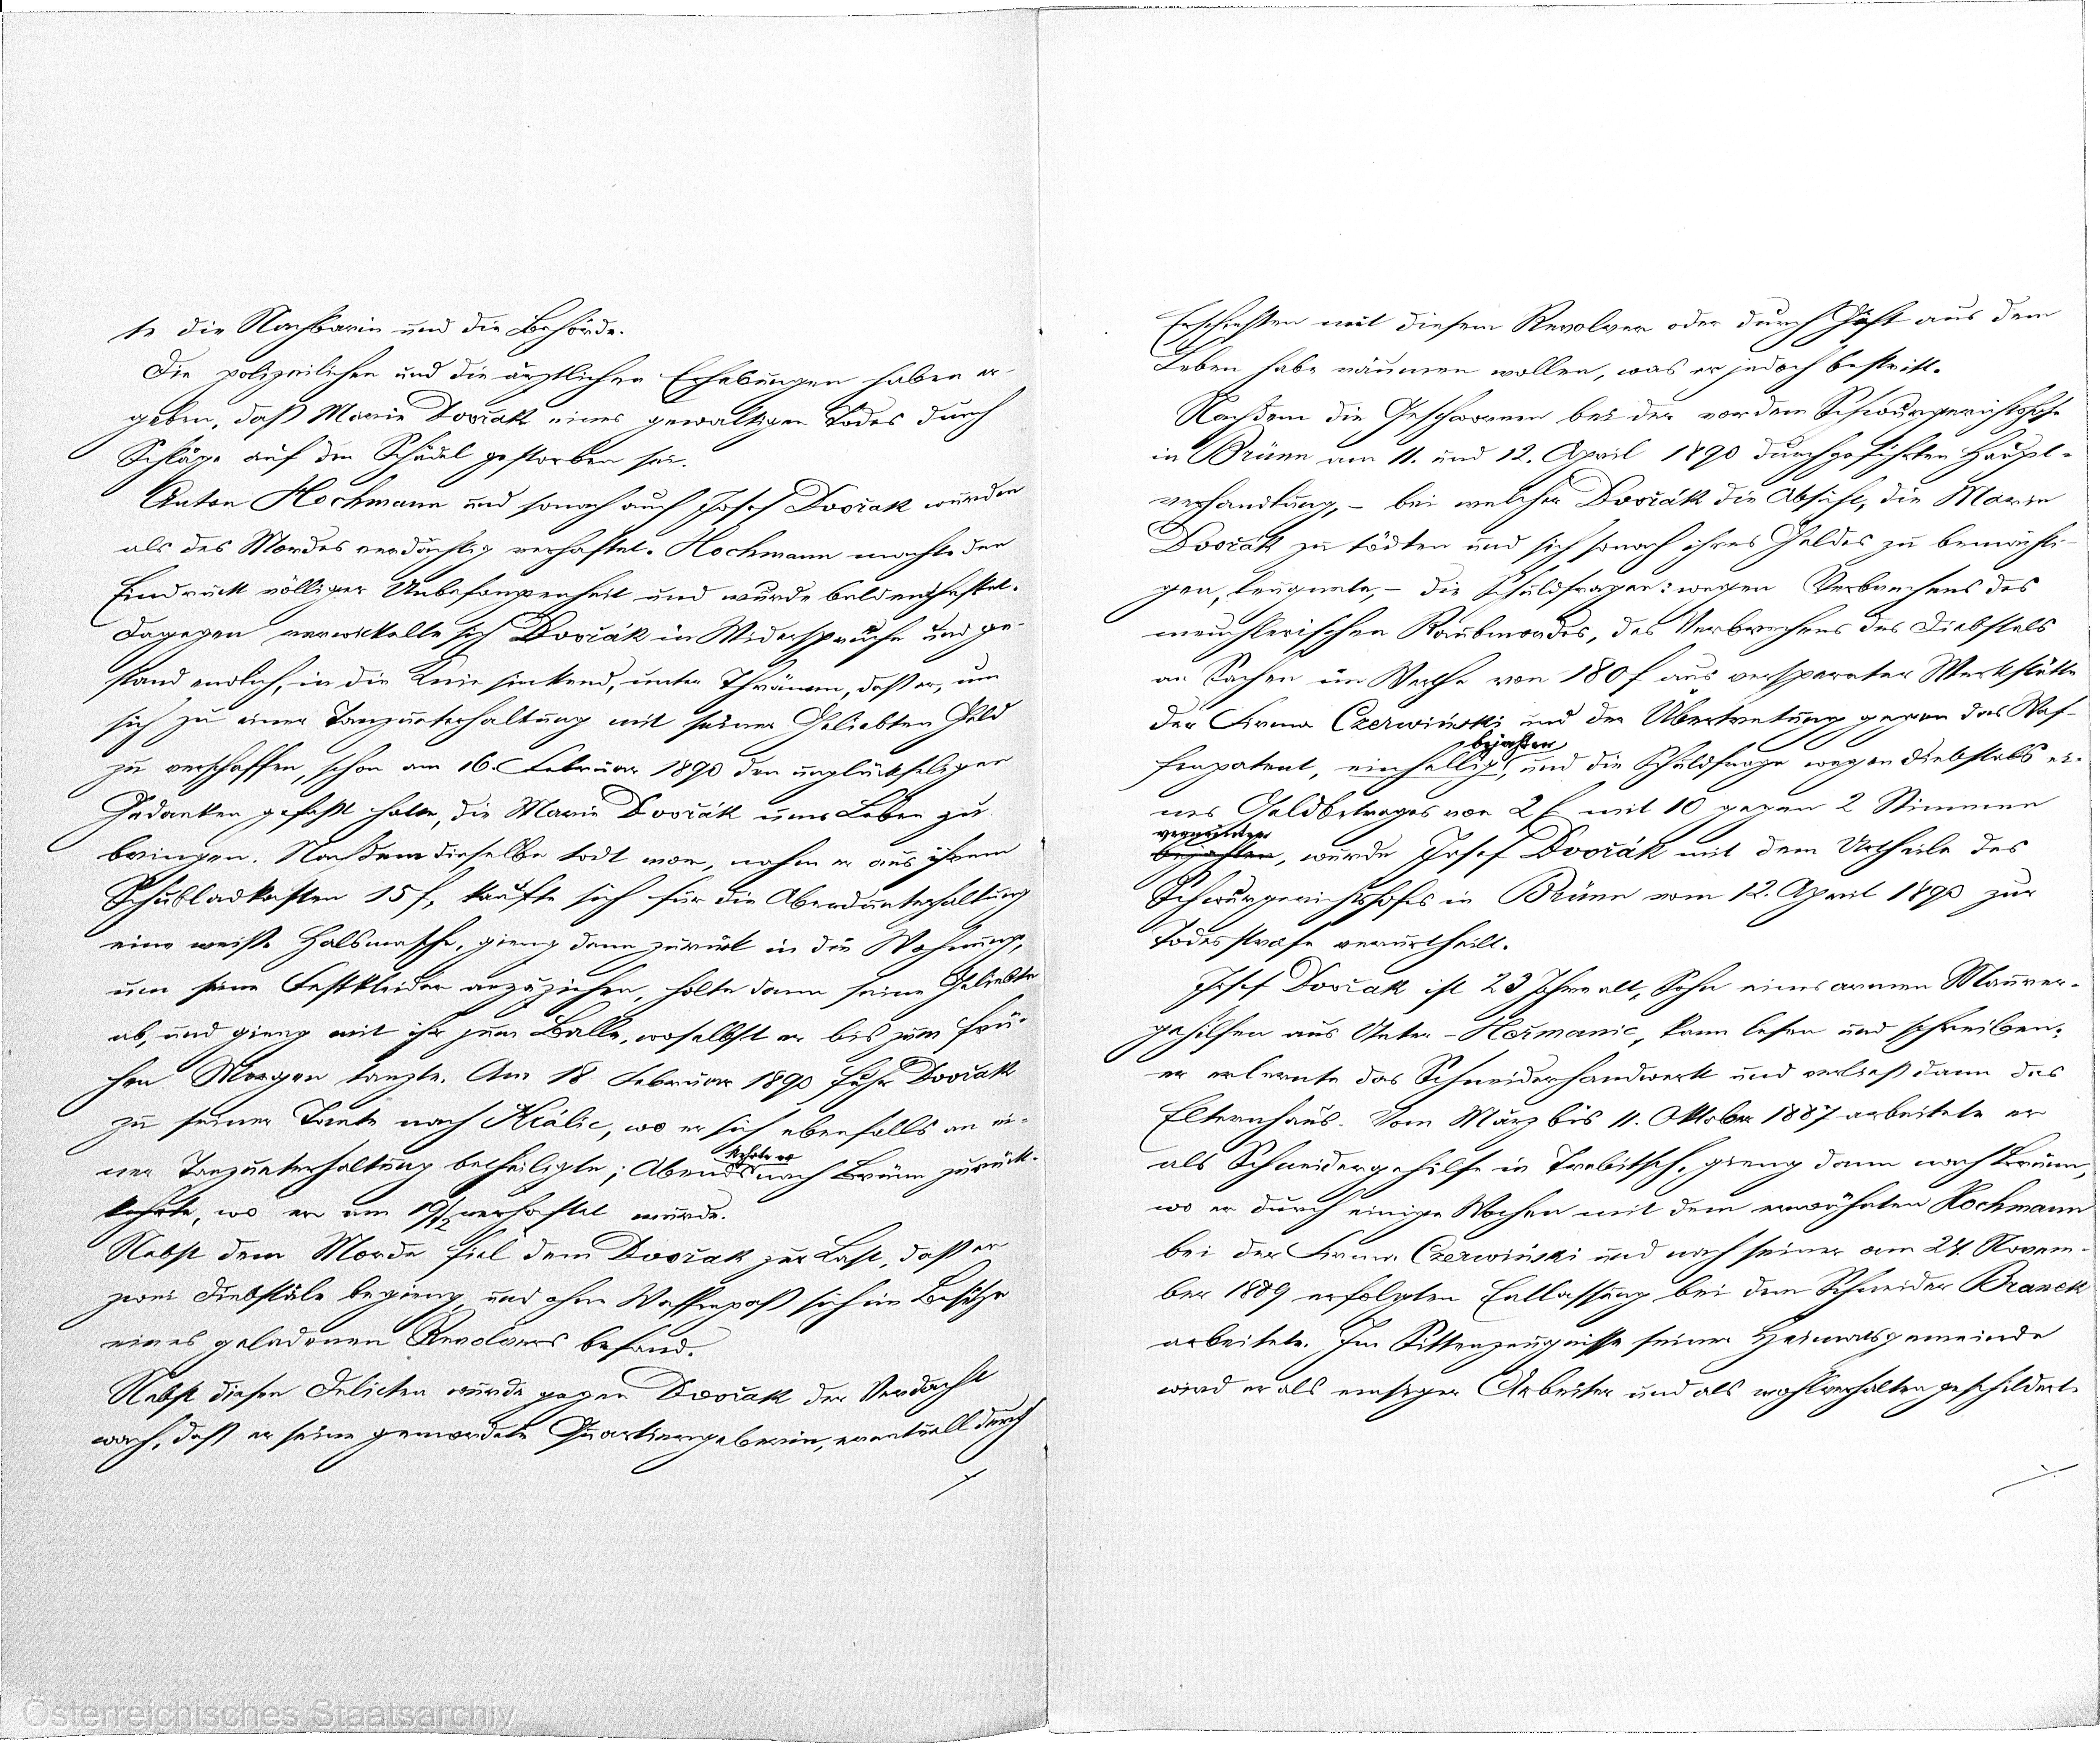te die Nachbarin und die Behörde.
Die polizeilichen und die ärztlichen Erhebungen haben er¬
geben, daß Marie Dvořak eines gewaltigen Todes durch
Schläge auf den Schädel gestorben sie.
Anton Hochmann und sonach auf Josef Dvořak wurden
als des Mordes verdächtig verhaftet. Hochmann mochte den
Eindruck völliger Unbefangenheit und wurde bald enthaltet.
Dagegen verwickelte sich Dvořák in Widerspruche und ge¬
stand endlich, in die Kein sinkend, unter Thränem, daß er, um
sich zu einer Tanzunterhaltung mit seiner Geliebten Geld
zu verschaffen, schon am 16. Februar 1890 den unglückseliger
Gedanken gefaßt halte, die Marie Dvořák eines Leben zu
besingen. Nach dem dieselbe todt von, nahm er aus ihrem
Schubladkasten 15 f, kaufte sich für die Abendunterhaltung
eine weiße Halsmasche, gieng dann zurück in die Wohnung,
um seine Festkleider anzuziehen, holte dann seine Geliebte
ab, und gieng mit ihr zum Balle, woselbst er bis zum Frü¬
hen Morgen tanzte. Am 18 Februar 1890 Fuhr Dvořak
zu seiner Trete nach Králic, wo er sich ebenfalls an ei¬
kehrte er
ner Tanzunterhaltung belheiligte, Abends noch Brünn zurück¬
lehrte, wo er am 19/2 verhaftet wurde.
Nebst dem Morde fiel dem Dvořak zur Last, daß er
zwei Diebstäle begieng, und ohne Wasserpaß sich im Besitze
eines geladenen Revolvers befand.
Nebst diesen Delicten wurde gegen Dvořak der Verdacht
wach, daß er seine gemordete Guartiergeberin, eventuell durch
Erschiesten mit diesem Revolver oder durch Gast aus dem
Leben habe räumen wollen, was er jedoch bestritt.
Nach dem die Geschwornen bei der vor dem Schwurgerichtshofe
in Brünn am 11. und 12. April 1890 durchgeführten Haupt¬
verhandlung,- bei welcher Dvořák die Absicht, die Marte
Dvořák zu tödten und sich sonach ihres Geldes zu bemrichli¬
gen, leugnete,- die Schuldfragen: wegen Verbrechens des
meuchlerischen Raubmordes, des Verbrechens des Diebstels
an Sachen ein Werthe von 180f aus versparater Werkflütte
der Firma Czerwiéski und des Übertretung gegen des Waf¬
bejahten
fenpatent, einhellig, und die Schuldfrege wegen Diebstals ei¬
nes Geldbetrages von 2f mit 10 gegen 2 Stimmen
vereinten,
wurde Josef Dvořák mit dem Urtheile des
Schwurgerichtshofes in Brünn vom 12. April 1890 zur
Todesstrafe verurtheilt.
Josef Dvořak ist 23 Jahre alt, Sohn eines armen Maurer¬
gehilfen aus Unter - Hořmanic, kann lesen und schreiben:
er erlernte das Schneiderhandwerk und verließ dann des
Elternhaus. Vom März bis 11. Oktober 1887 arbeitete er
als Schneidergehilfe in Trebitsch, gieng dann nach Brünn,
wo er durch einige Wochen mit dem erwähnten Hochmann
bei der Firne. Czerwinski und noch seiner am 24. Novem¬
ber 1889 erfolgten Entlassung bei den Schneider Branek
arbeitete. Im Sittenzeugnisse seiner Heimalsgemeinde
wird er als emsiger Arbeiter und als wohlverhalten geschildert